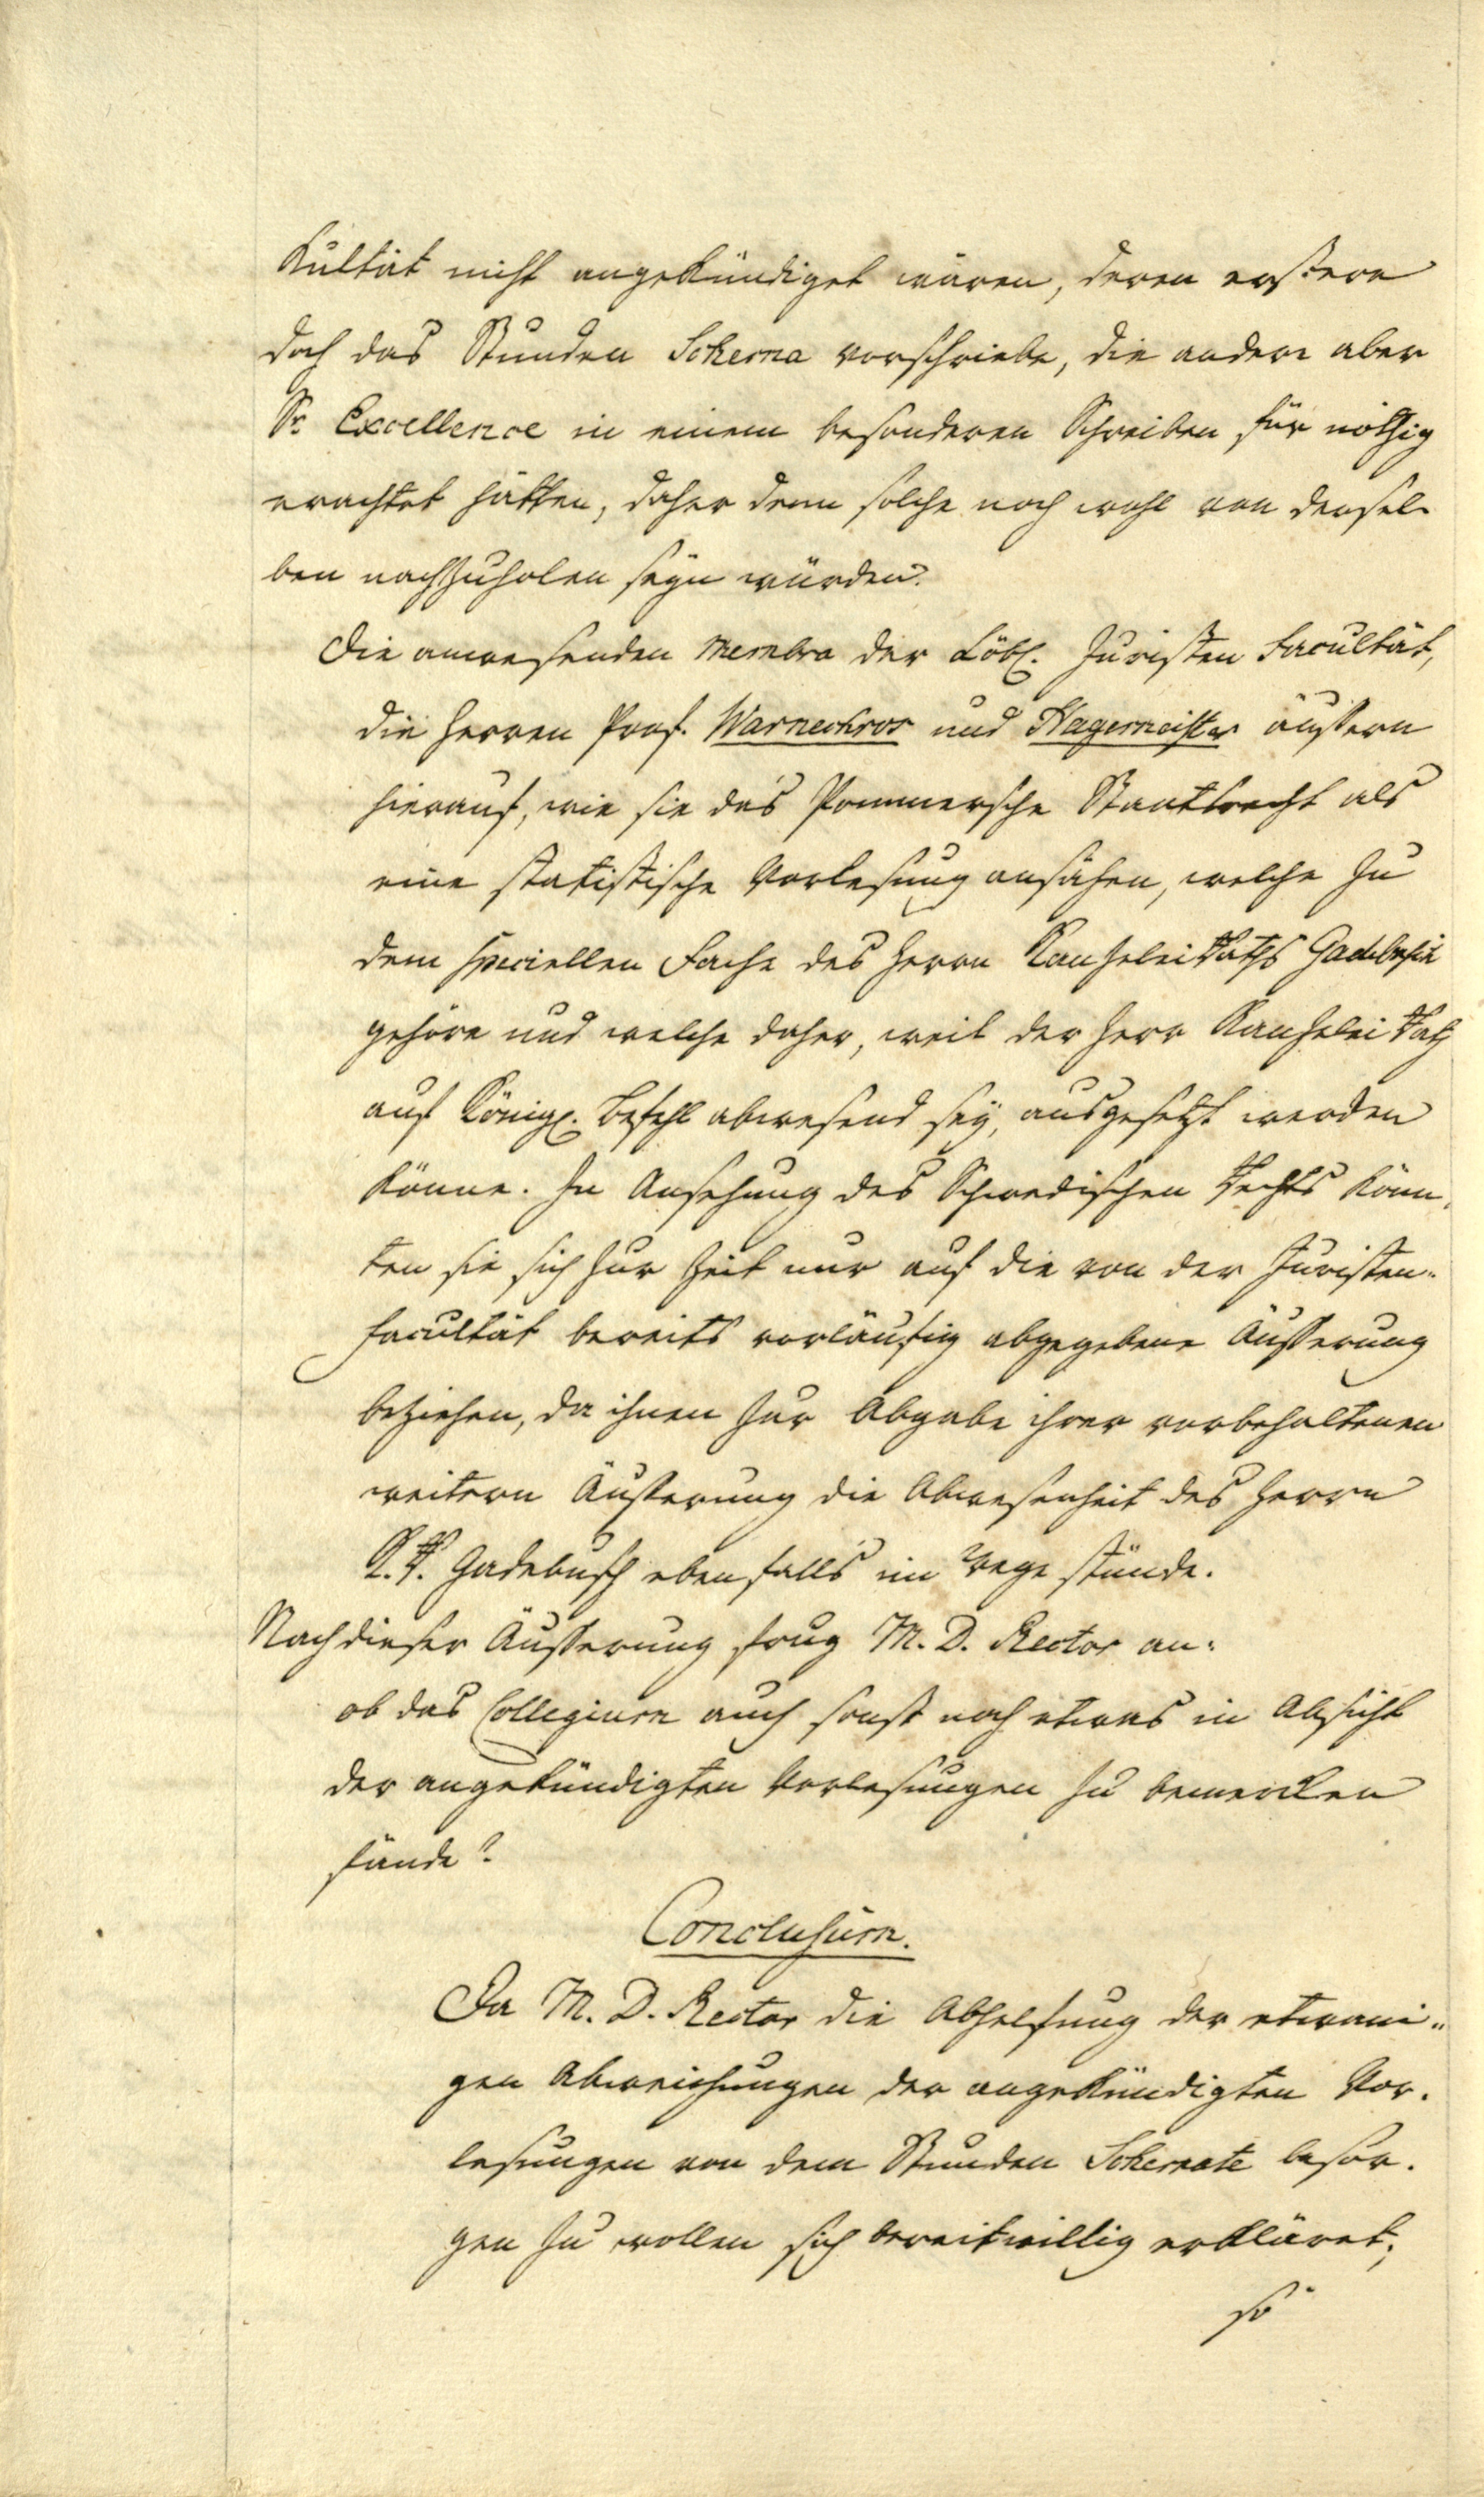kultät nicht angekündiget wären, deren erstere
doch das Stunden Schema vorschriebe, die andere aber
Sr. Excellence in einem besonderen Schreiben für nöthig
erachtet hätten, daher denn solche noch wohl von dersel¬
ben nachzuholen seÿn würden.
die anwesenden Membra der Löbl. Iuristen Facultät,
Die Herren Prof. Warneckros und Hagemeister äussern
hierauf, wie sie das Pommersche Staatsrecht als
eine statistische Vorlesung ansähen, welche zu
dem speciellen Fache des Herrn KanzeleiRaths Gadebusch
gehöre und welche daher, weil der Herr Kanzelei Rath
auf Königl. Befehl abwesend seÿ, ausgesetzt werden
könne. In Ansehung des Schwedischen Rechts könn¬
ten sie sich zur Zeit nur auf die von der Juristen¬
Facultät bereits vorläufig abgegebene Äusserung
beziehen, da ihnen zur Abgabe ihrer vorbehaltenen
weitern Äusserung die Abwesenheit des Herrn
K. R. Gadebusch ebenfalls im Wege stünde.
Nach dieser Äusserung frug M. D. Rector an:
ob das Collegium auch sonst noch etwas in Absicht
der angekündigten Vorlesungen zu bemercken
fände?
Conclusum.
Da M. D. Rector die Abhelfung der etwani¬
gen Abweichungen der angekündigten Vor¬
lesungen von dem Stunden Schemate besor¬
gen zu wollen sich bereitwillig erkläret,
so